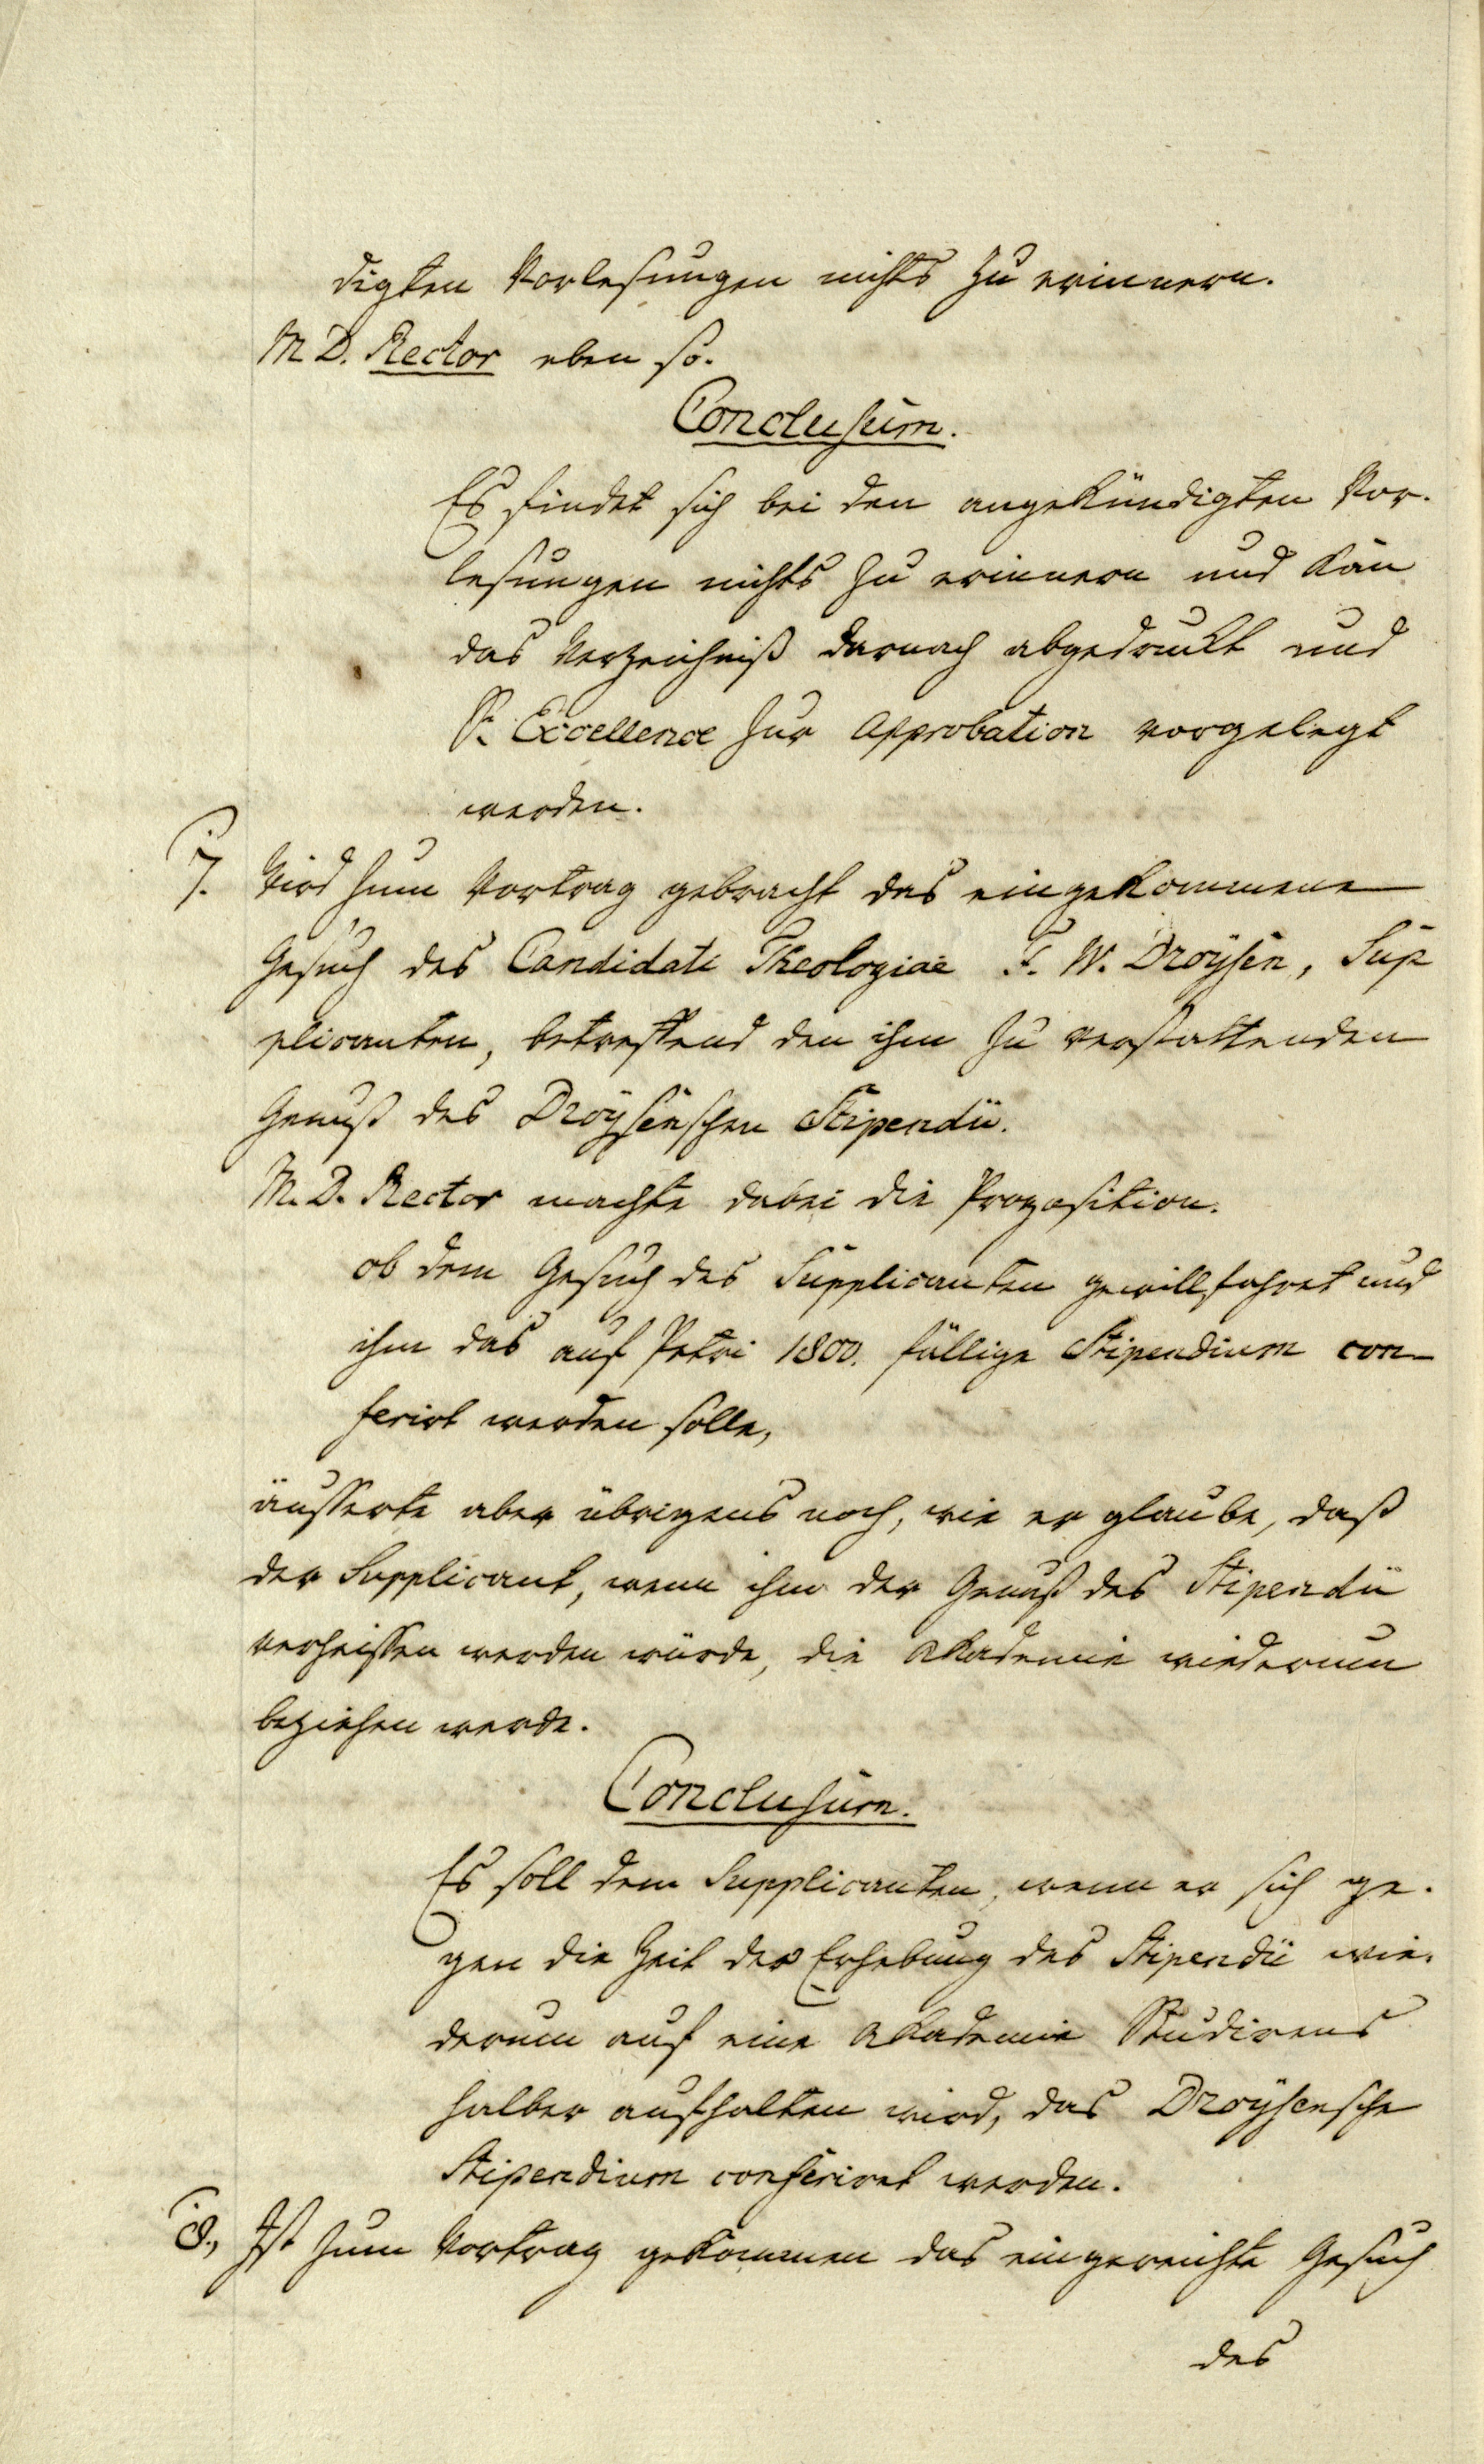digten Vorlesungen nichts zu erinnern.
M. D. Rector eben so.
Conclusum.
Es findet sich bei den angekündigten Vor¬
lesungen nichts zu erinnern und kan
das Verzeichniß darnach abgedruckt und
Sr. Excellence zur Approbation vorgelegt
werden.
7. Wird zum Vortrag gebracht das eingekommene
Gesuch des Candidati Theologiae F. W. Droÿsen, Sup¬
plicanten, betreffend den ihm zu verstattenden
Genuß des Droÿsenschen Stipendii.
M. D. Rector machte dabei die Proposition:
ob dem Gesuch des Supplicanten gewillfahret und
ihm das auf Petri 1800. fällige Stipendium con¬
ferirt werden solle,
äusserte aber übrigens noch, wie er glaube, daß
der Supplicant, wenn ihm der Genuß des Stipendii
verheissen werden würde, die Akademie wiederum
beziehen werde.
Conclusum.
Es soll dem Supplicanten, wenn er sich ge¬
gen die Zeit der Erhebung des Stipendii wie¬
derum auf eine Akademie Studirens
halber aufhalten wird, das Droÿsensche
Stipendium conferiret werden.
8., Ist zum Vortrag gekommen das eingereichte Gesuch
des